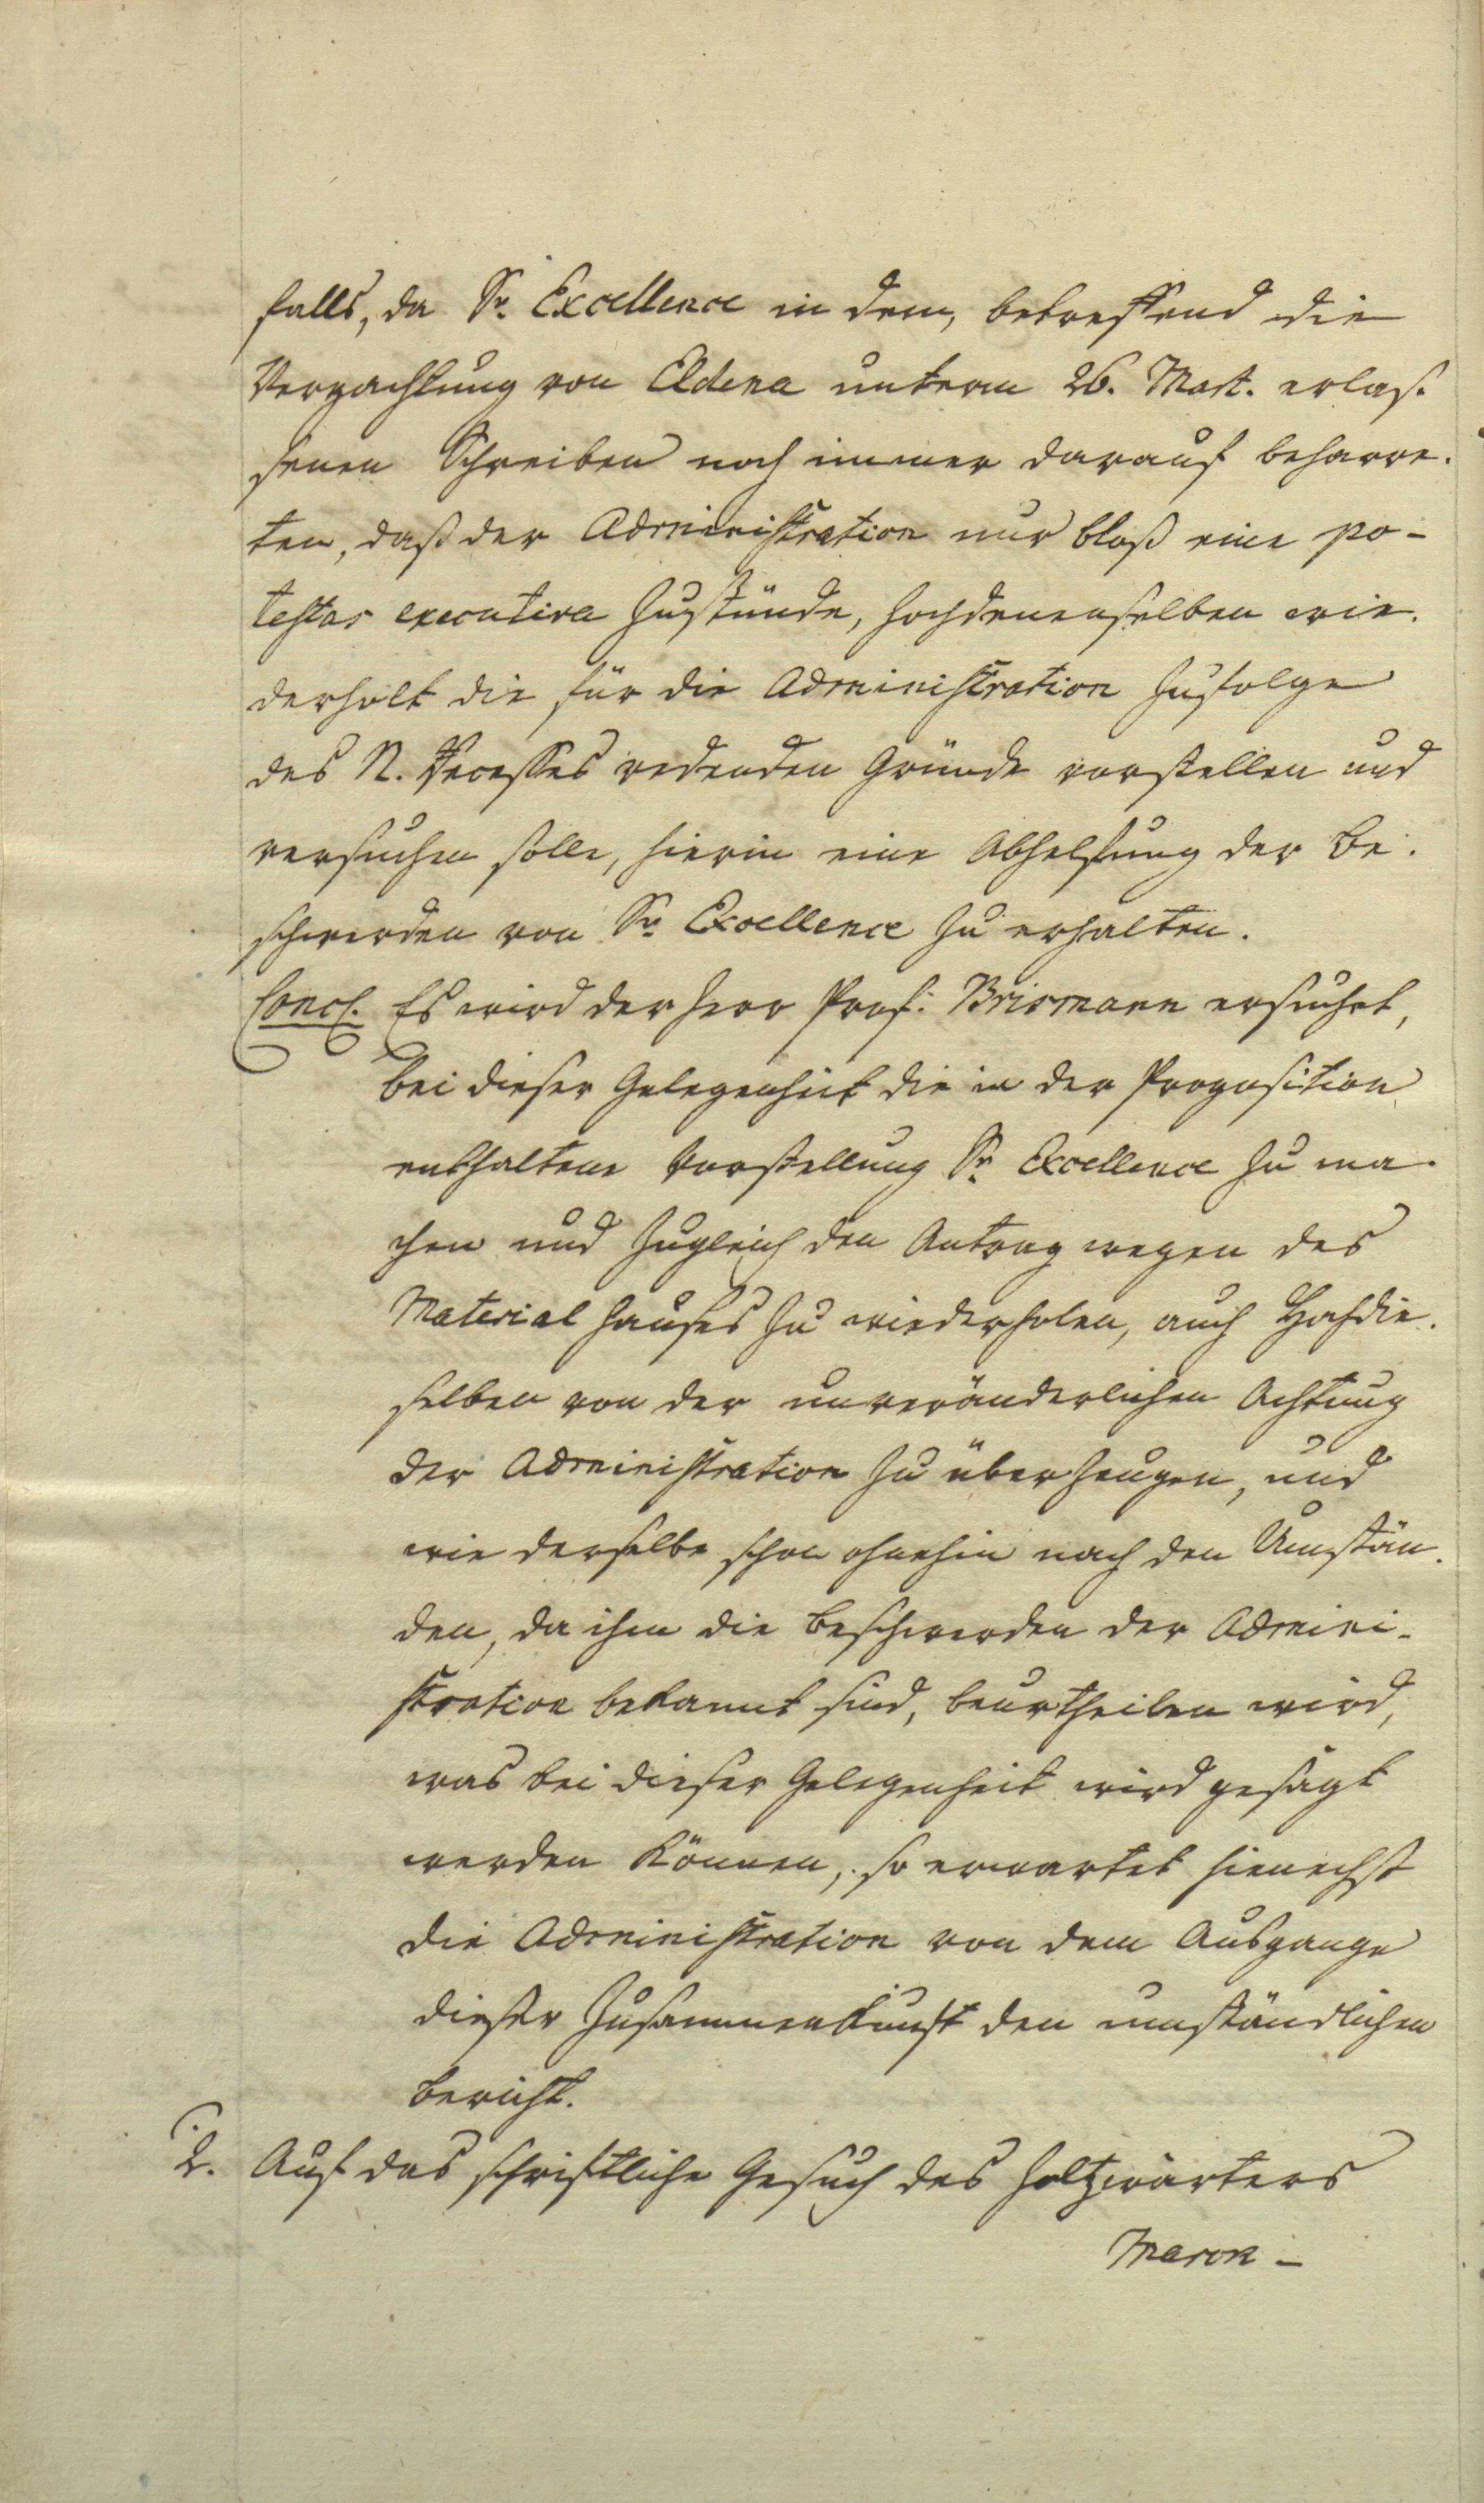falls, da Sr. Excellence in dem, betreffend die
Verpachtung von Eldena unterm 26. Mart. erlas¬
senen Schreiben noch immer darauf beharre¬
ten, daß der Administration nur bloß eine po¬
testas executiva zustünde, hochdenenselben wie¬
derholt die für die Administration zufolge
des N. Recesses redenden Gründe vorstellen und
versuchen solle, hierin eine Abhelfung der Be¬
schwerden von Sr Excellence zu erhalten.
Concl. Es wird der Herr Prof. Brismann ersuchet,
bei dieser Gelegenheit die in der Proposition
enthaltene Vorstellung Sr Excellence zu ma¬
chen und zugleich den Antrag wegen des
Material hauses zu wiederholen, auch Hochdie¬
selben von der unveränderlichen Achtung
der Administration zu überzeugen, und
wie derselbe schon ohnehm nach den Umstän¬
den, da ihm die Beschwerden der Admini¬
stration bekannt sind, beurtheilen wird,
was bei dieser Gelegenheit wird gesagt
werden können, so erwartet hienechst
die Administration von dem Ausgange
dieser Zusammenkunft den umständlichen
Bericht
2. Auf das schriftliche Gesuch des Holtzwärters
Marck¬